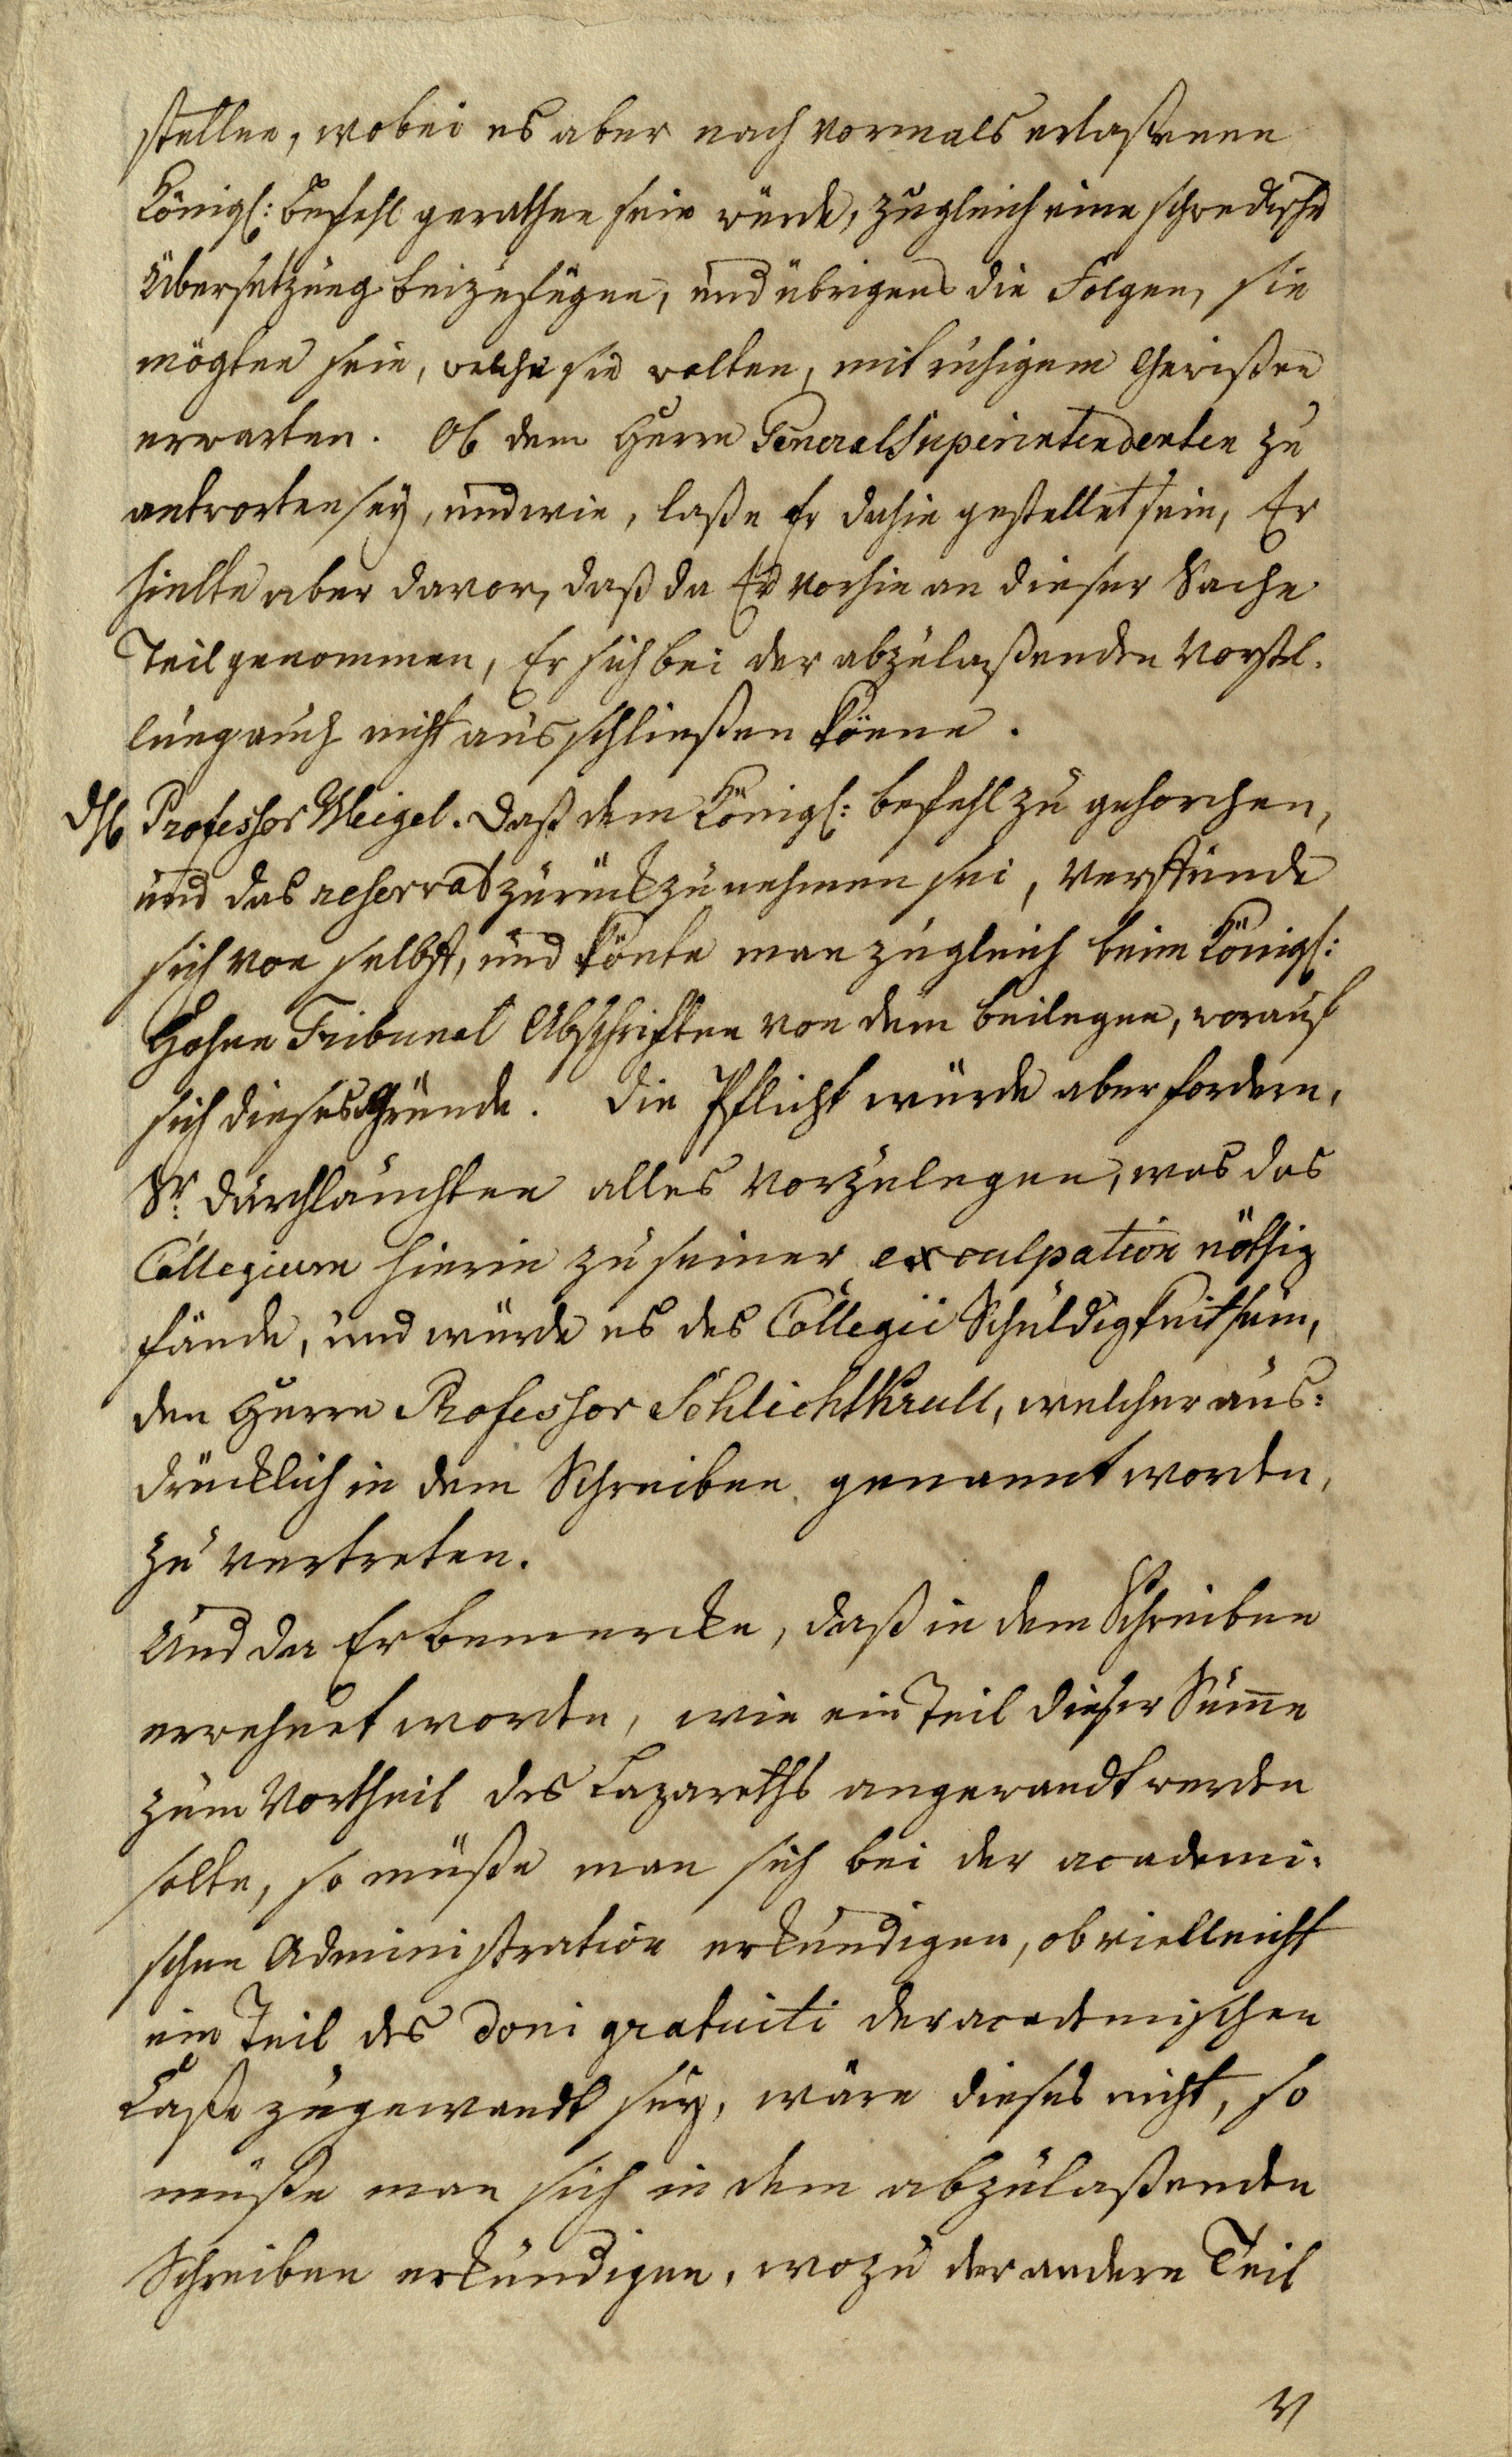stellen, wobei es aber nach vormals erlaßenen
Königl. Befehl gerathen sein würde, zugleich eine schwedische
Übersetzung beizufügen, und übrigens die Folgen, sie
mögten sein, welche sie wolten, mit ruhigem Gewißen
erwarten. Ob dem Herrn GeneralSuperintendenten zu
antworten seÿ, und wie, laße Er dahin gestellet sein, Er
hielte aber davor, daß da Er vorhin an dieser Sache
Teil genommen, Er sich bei der abzulassenden Vorstel¬
lung auch nicht ausschließen könne.
dh Professor Weigel. Daß dem Königl. Befehl zu gehorchen,
und das reservat zurückzunehmen sei, verstünde
sich von selbst, und könte man zugleich beim Königl.
Hohen Tribunal Abschriften von dem beilegen, worauf
sich dieses gründe. Die Pflicht würde aber fordern,
Sr Durchlauchten alles vorzulegen, was das
Collegium hierin zu seiner exculpation nöthig
fände, und würde es des Collegii Schuldigkeit sein,
dem Herrn Professor Schlichtkrull, welcher aus¬
drücklich in dem Schreiben genannt worden,
zu vertreten.
Und da Er bemercke, daß in dem Schreiben
erwehnet worden, wie ein Teil dieser Sume
zum Vortheil des Lazareths angewandt werden
solte, so müße man sich bei der academi¬
schen Administration erkundigen, ob vielleicht
ein Teil des doni gratuiti der academischen
Caße zugewandt seÿ, wäre dieses nicht, so
müße man sich in dem abzulaßenden
Schreiben erkundigen, wozu der andere Teil
v